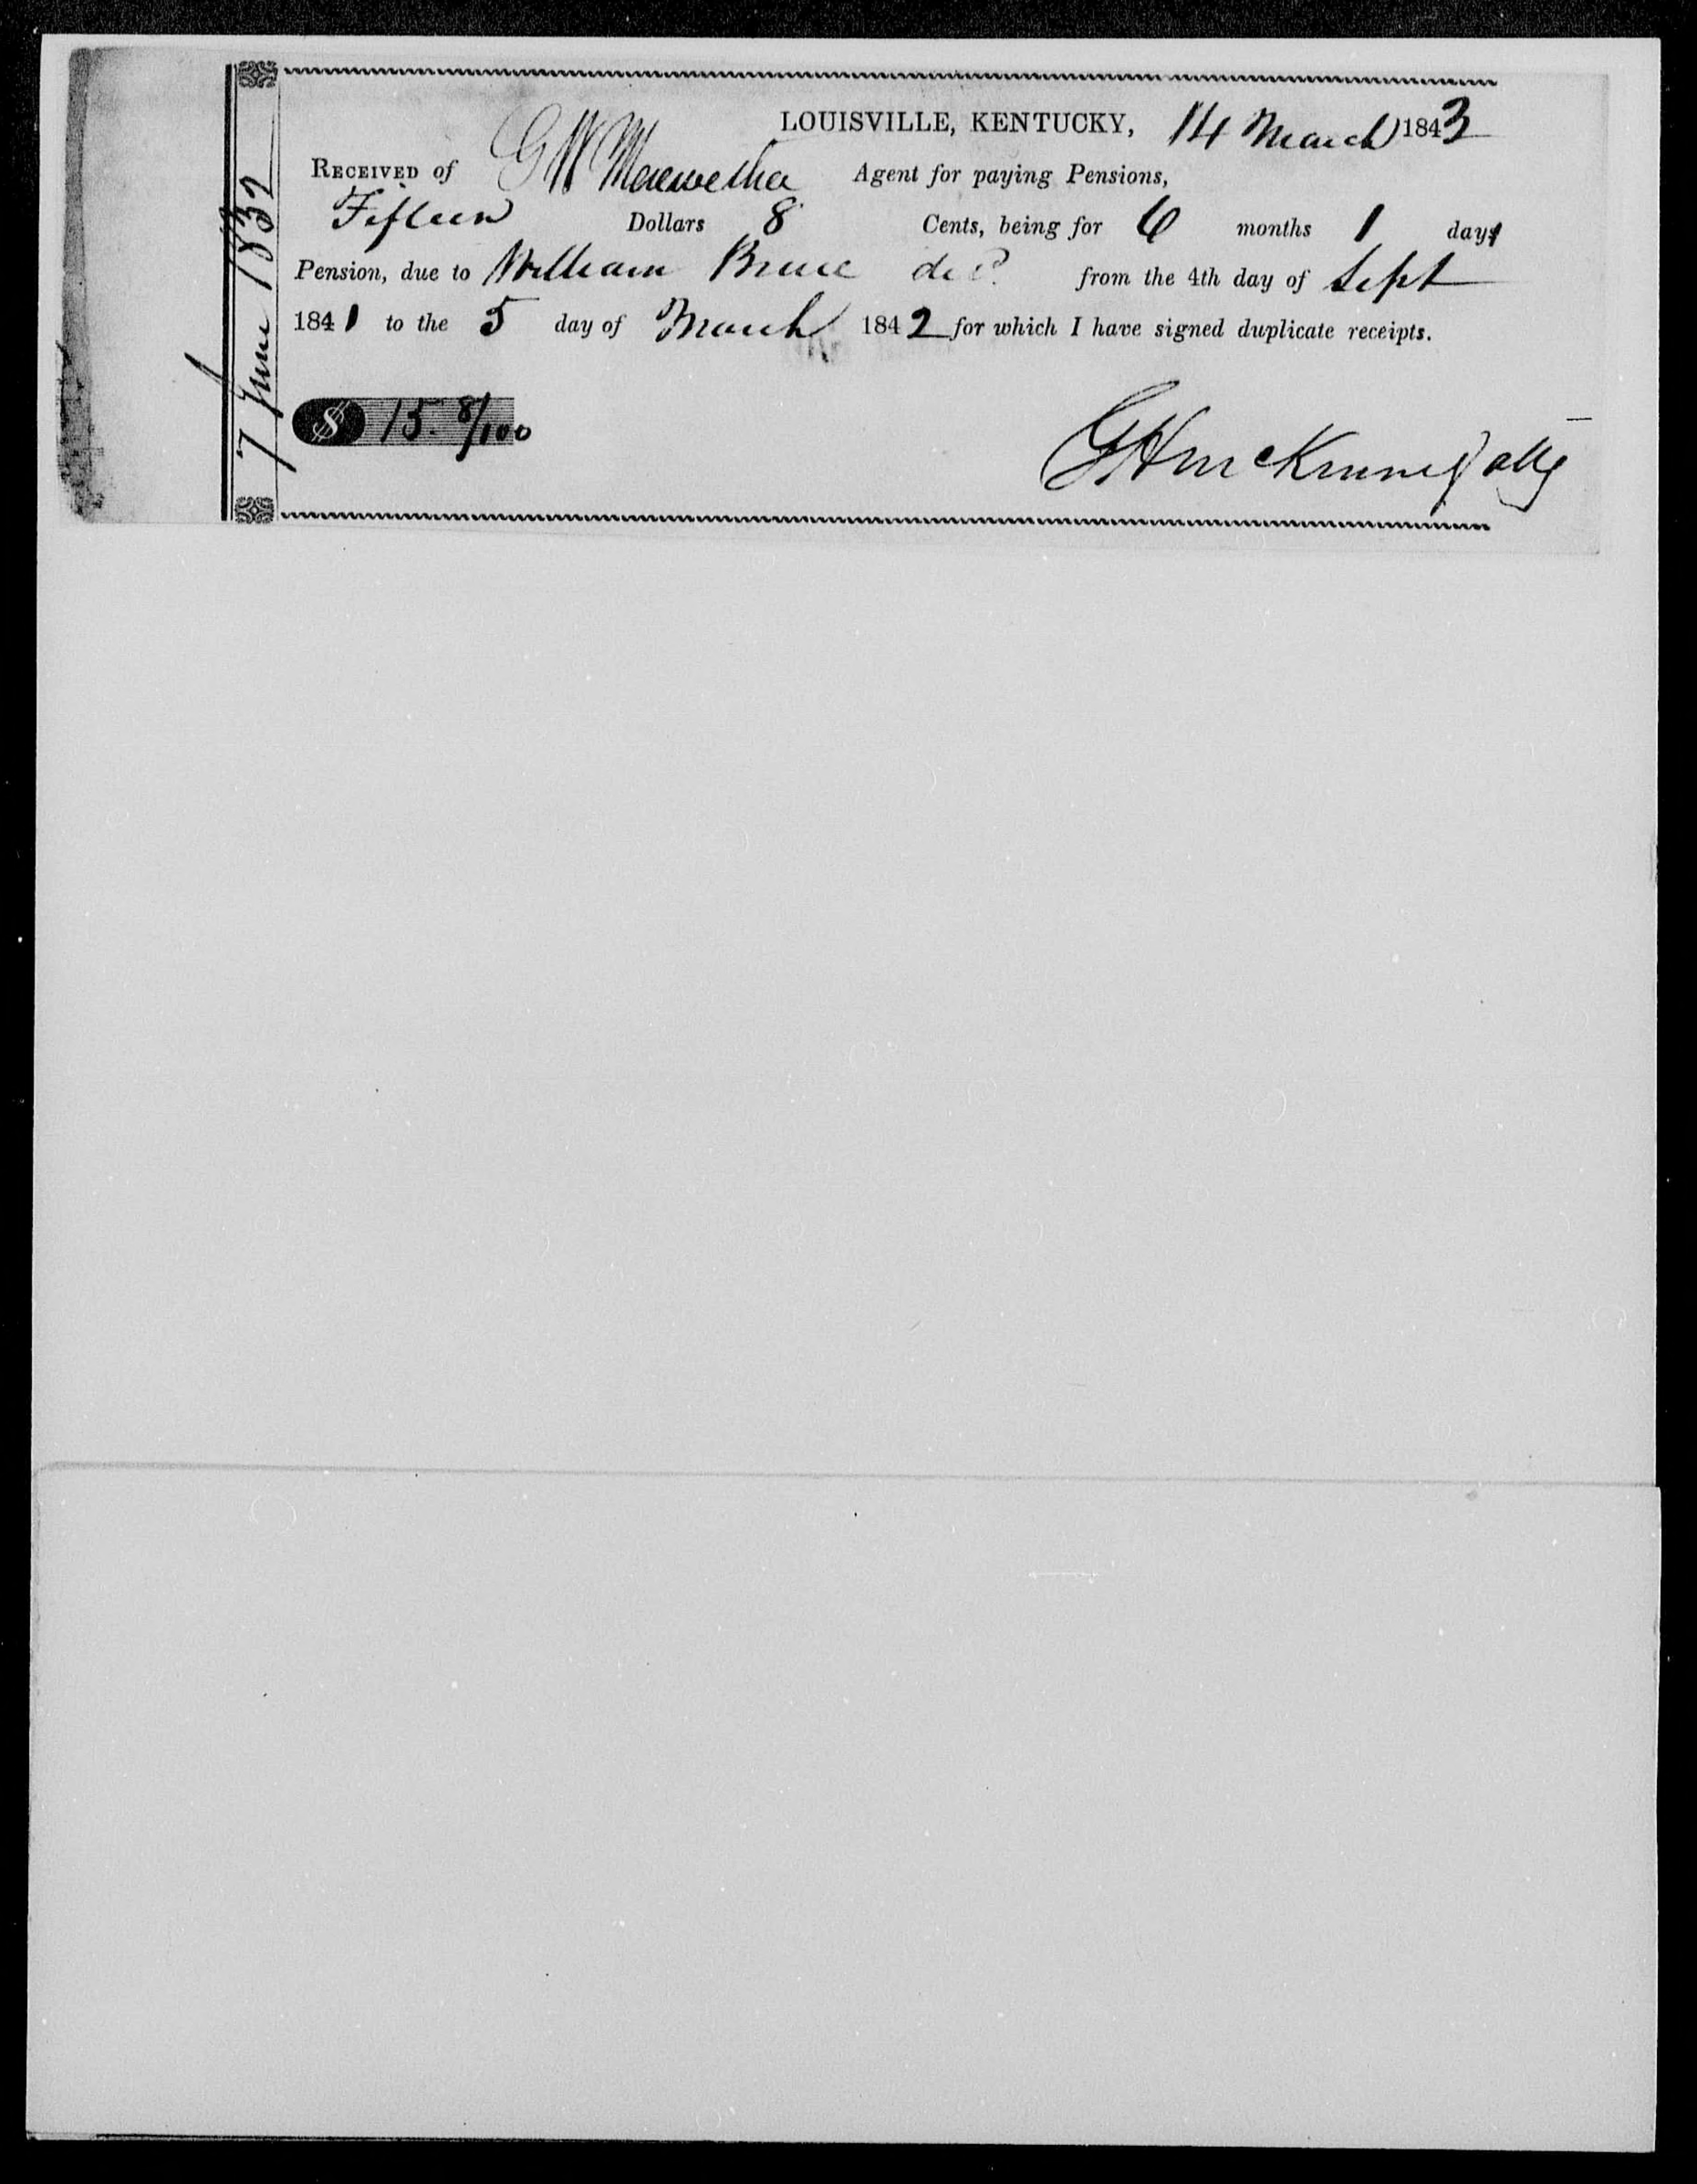[typed form, with handwritten responses]

Louisville, Kentucky, 14 March 1843 
Received of G W Morewether Agent for paying pensions, Fifteen dollars, 8 Cents, being for 6 months, 1 day, Pension, due to William Bruce decd [deceased] from the 4th day of Sept. 1841 to the 5 day of March 1842 for which I have signed duplicate receipts. 
$15 8/100 G H McKinny [Illegible initials] 

[written sideways] 7 June 1837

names: G H Mc Kinny, William Bruce, G W Morewether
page: 4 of 54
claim: survivor's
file: S. 30287, William Bruce, N.C.